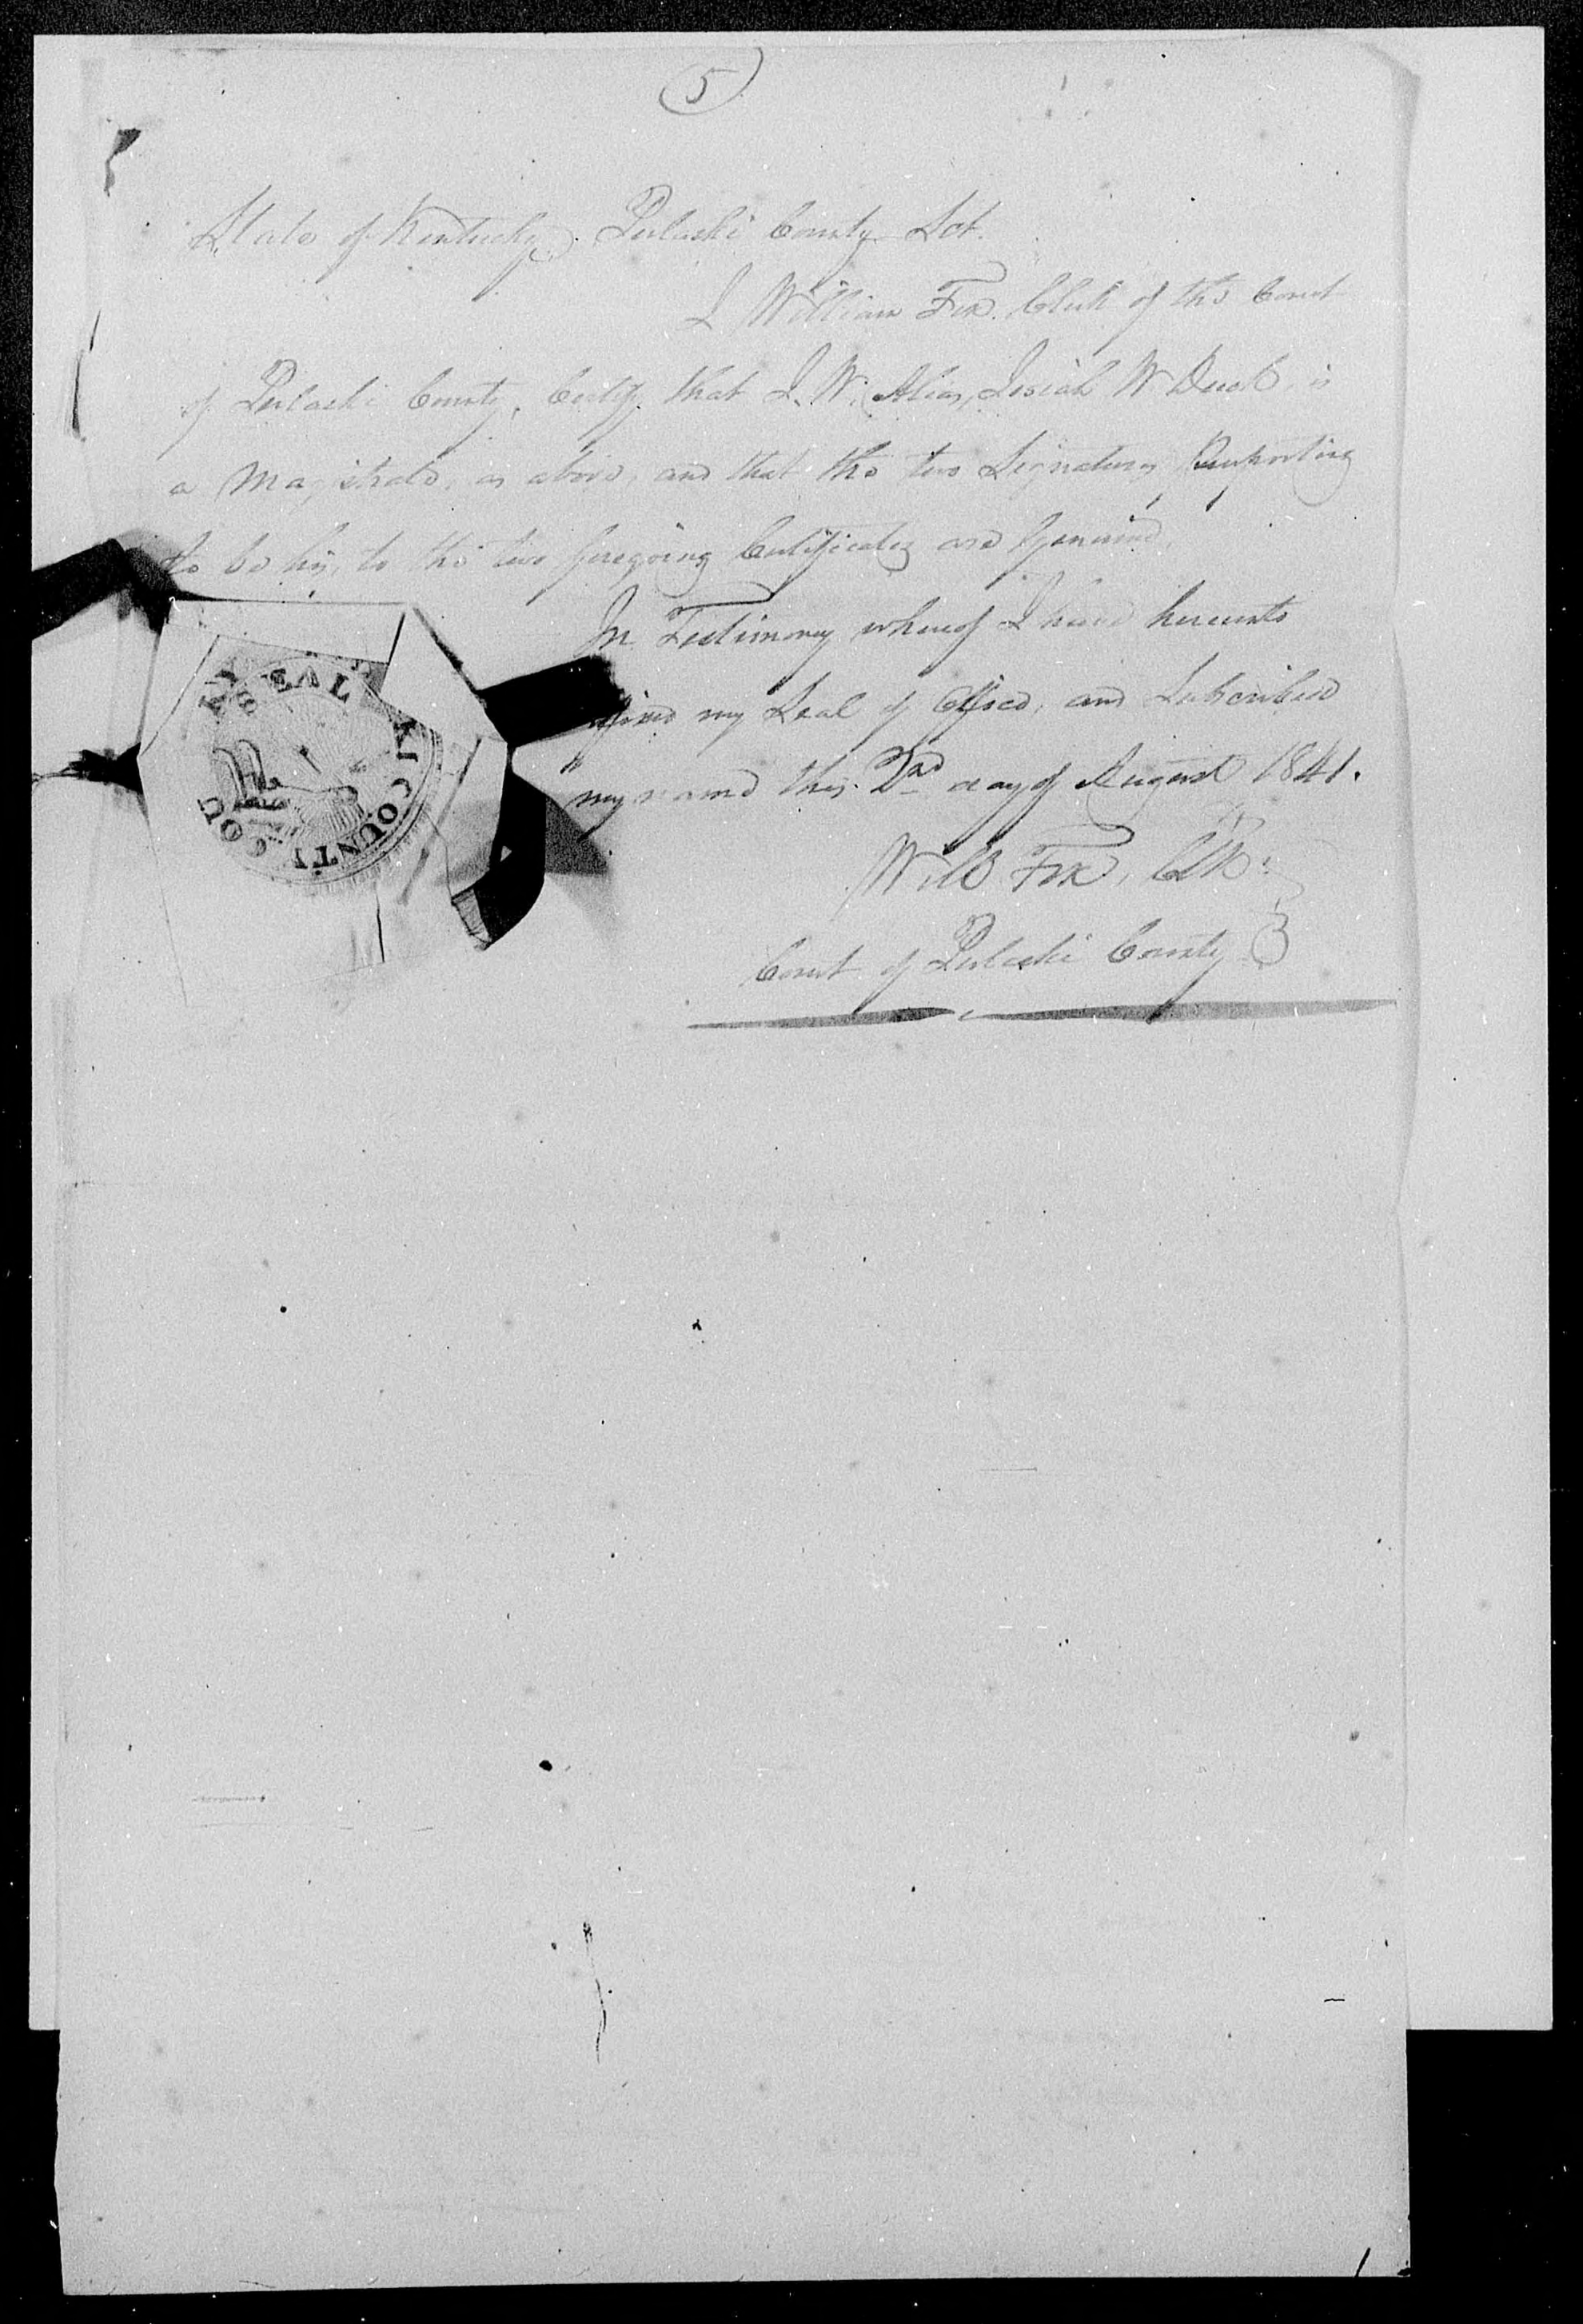(5) State of Kentucky Pulaski County Sct.
 I William Fox, Clerk of the Court of Pulaski County, Certify that J.W. Alias, Josiah W. Dick is a magistrate as above, and that the two Signature purporting to be his, to the two foregoing certificates are genuine. 
In Testimony whereof I have hereunto affixed my Seal of Office, and subscribed my name  this 2d day of August 1841 & Will Fox Clk. Court of Pulaski County 
[seal KY County Seal]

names: William Fox, Josiah W Dieck, Will Fox, J W Dieck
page: 22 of 31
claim: widow's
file: W. 8668, John Dick, S C